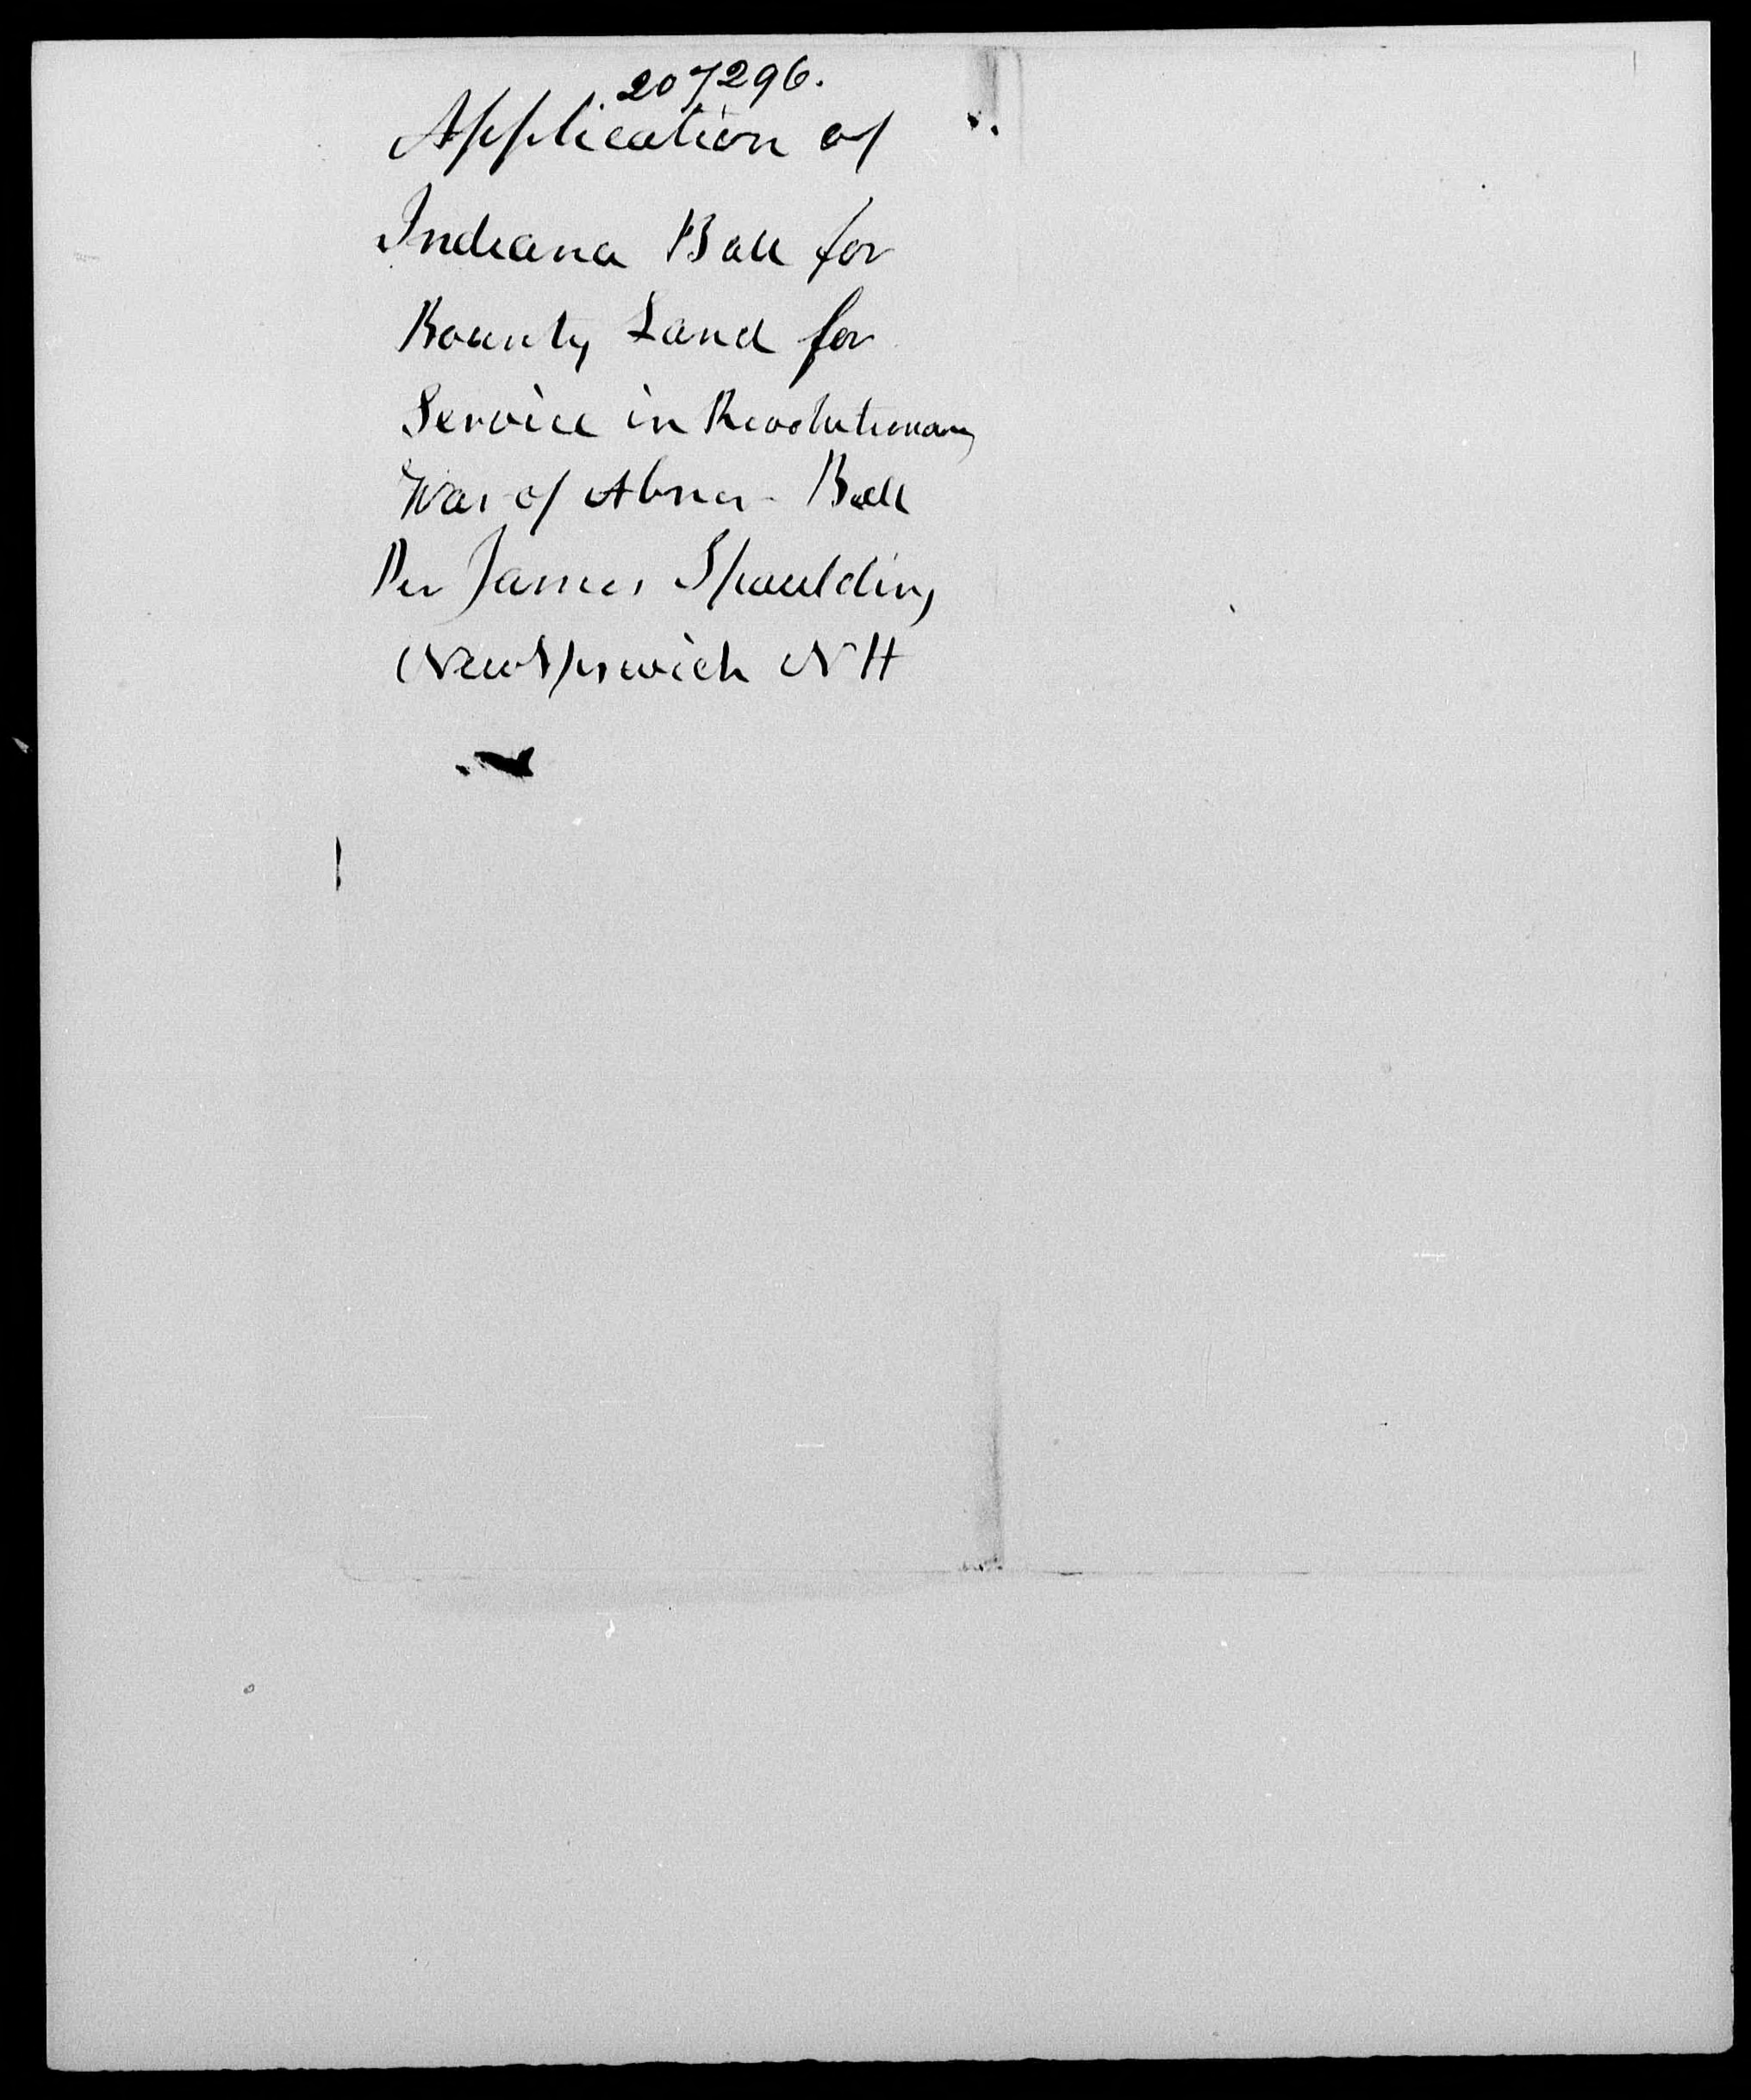207296
Application of
Indiana Ball for
Bounty Land for
Service in Revolutionary 
War of Abner Ball
Per James Spaulding
New Ipswich NH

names: Abner Ball, Indiana Ball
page: 14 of 16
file: B. L. Wt, 36670-160-55, Abner Ball, Mass.